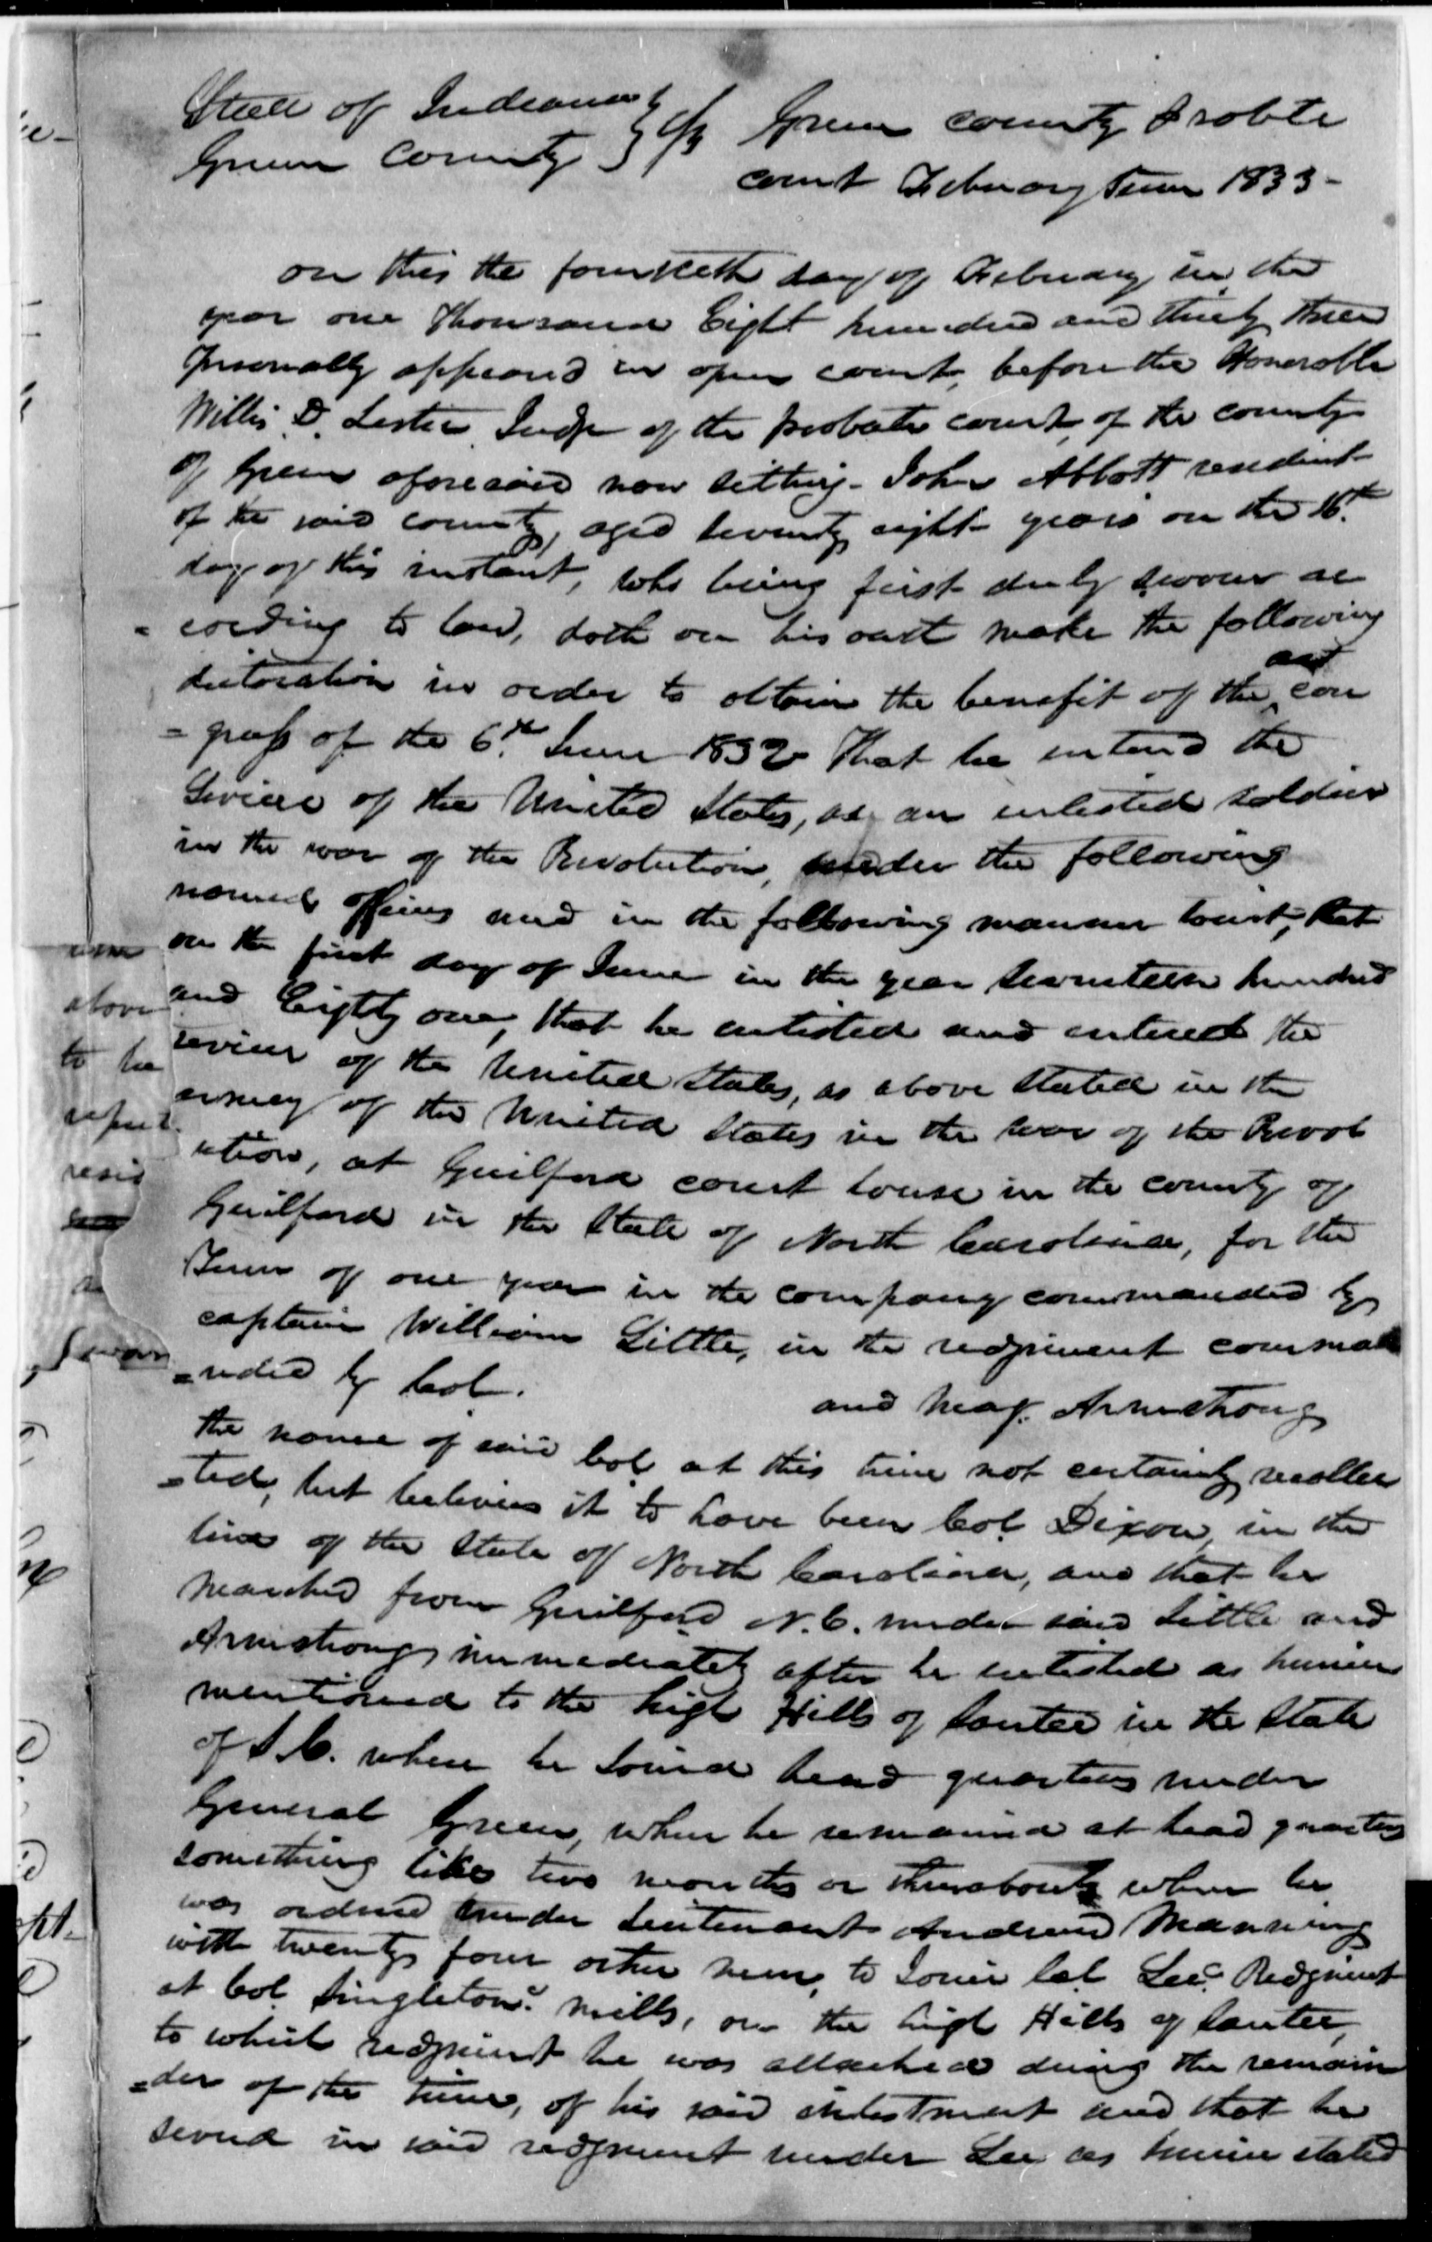State of Indiana Greene County} [c/3?]
Greene County Probate court  February Seven 1833 -

On this the fourteenth day of February in the year one Thousand Eight hundred and Thirty three personally appeared in open court before the Honorable Willis D. Lester Judge of the probate court of the County of Greene aforesaid now sitting. John Abbott resident of the said County, aged Seventy eight years on the 16th day of this instant, who being first duly sworn according to Law, doth on his oath make the following declaration in order to obtain the benefit of the [illegible] Congress of the 6th. June 1832 - that he [extend] the Service of the United States, as an enlisted soldier in the war of the Revolution under the following named officers and in the following manner [illegible], [illegible] on the first day of June in the year Seventeen hundred and Eighty one, that he enlisted and entered the service of the United States, as above stated in the [army?] of the United States in the war of the Revolution, at Guilford Court house in the county of Guilford in the State of North Carolina, for the Term of one year in the company commanded  by captain William Little in the regiment commanded by Col. [blank space] and Maj. Armstrong the name of said Col at this time not [certainly?] recollected, but believes it to have been Col. Dixon, in the [line?] of the State of North Carolina, and that he marched from Guilford N.C. under said Little and Armstrong immediately after he enlisted as [previous?] mentioned to the high Hills of Santee in the State of S.C. where he [joined?] headquarters under General Green where he remained at headquarters something like two months or thereabouts where he was ordered under Lieutenant Andrew Manning with twenty four other men, to [illegible] let Leec. [Redgmint?] to Col Singletonc. Mills, on the high Hills of Santee, to which [redgmint?] he was attached during the remainder of the time, of his said enlistment and that he served in said redgment under Lee as previous stated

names: Little, Dixon, Armstrongs, William Little, John Abbott, Armstrongs, Willis D Lester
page: 3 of 35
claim: survivor's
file: S. 32089, John Abbott, Continental N. C.